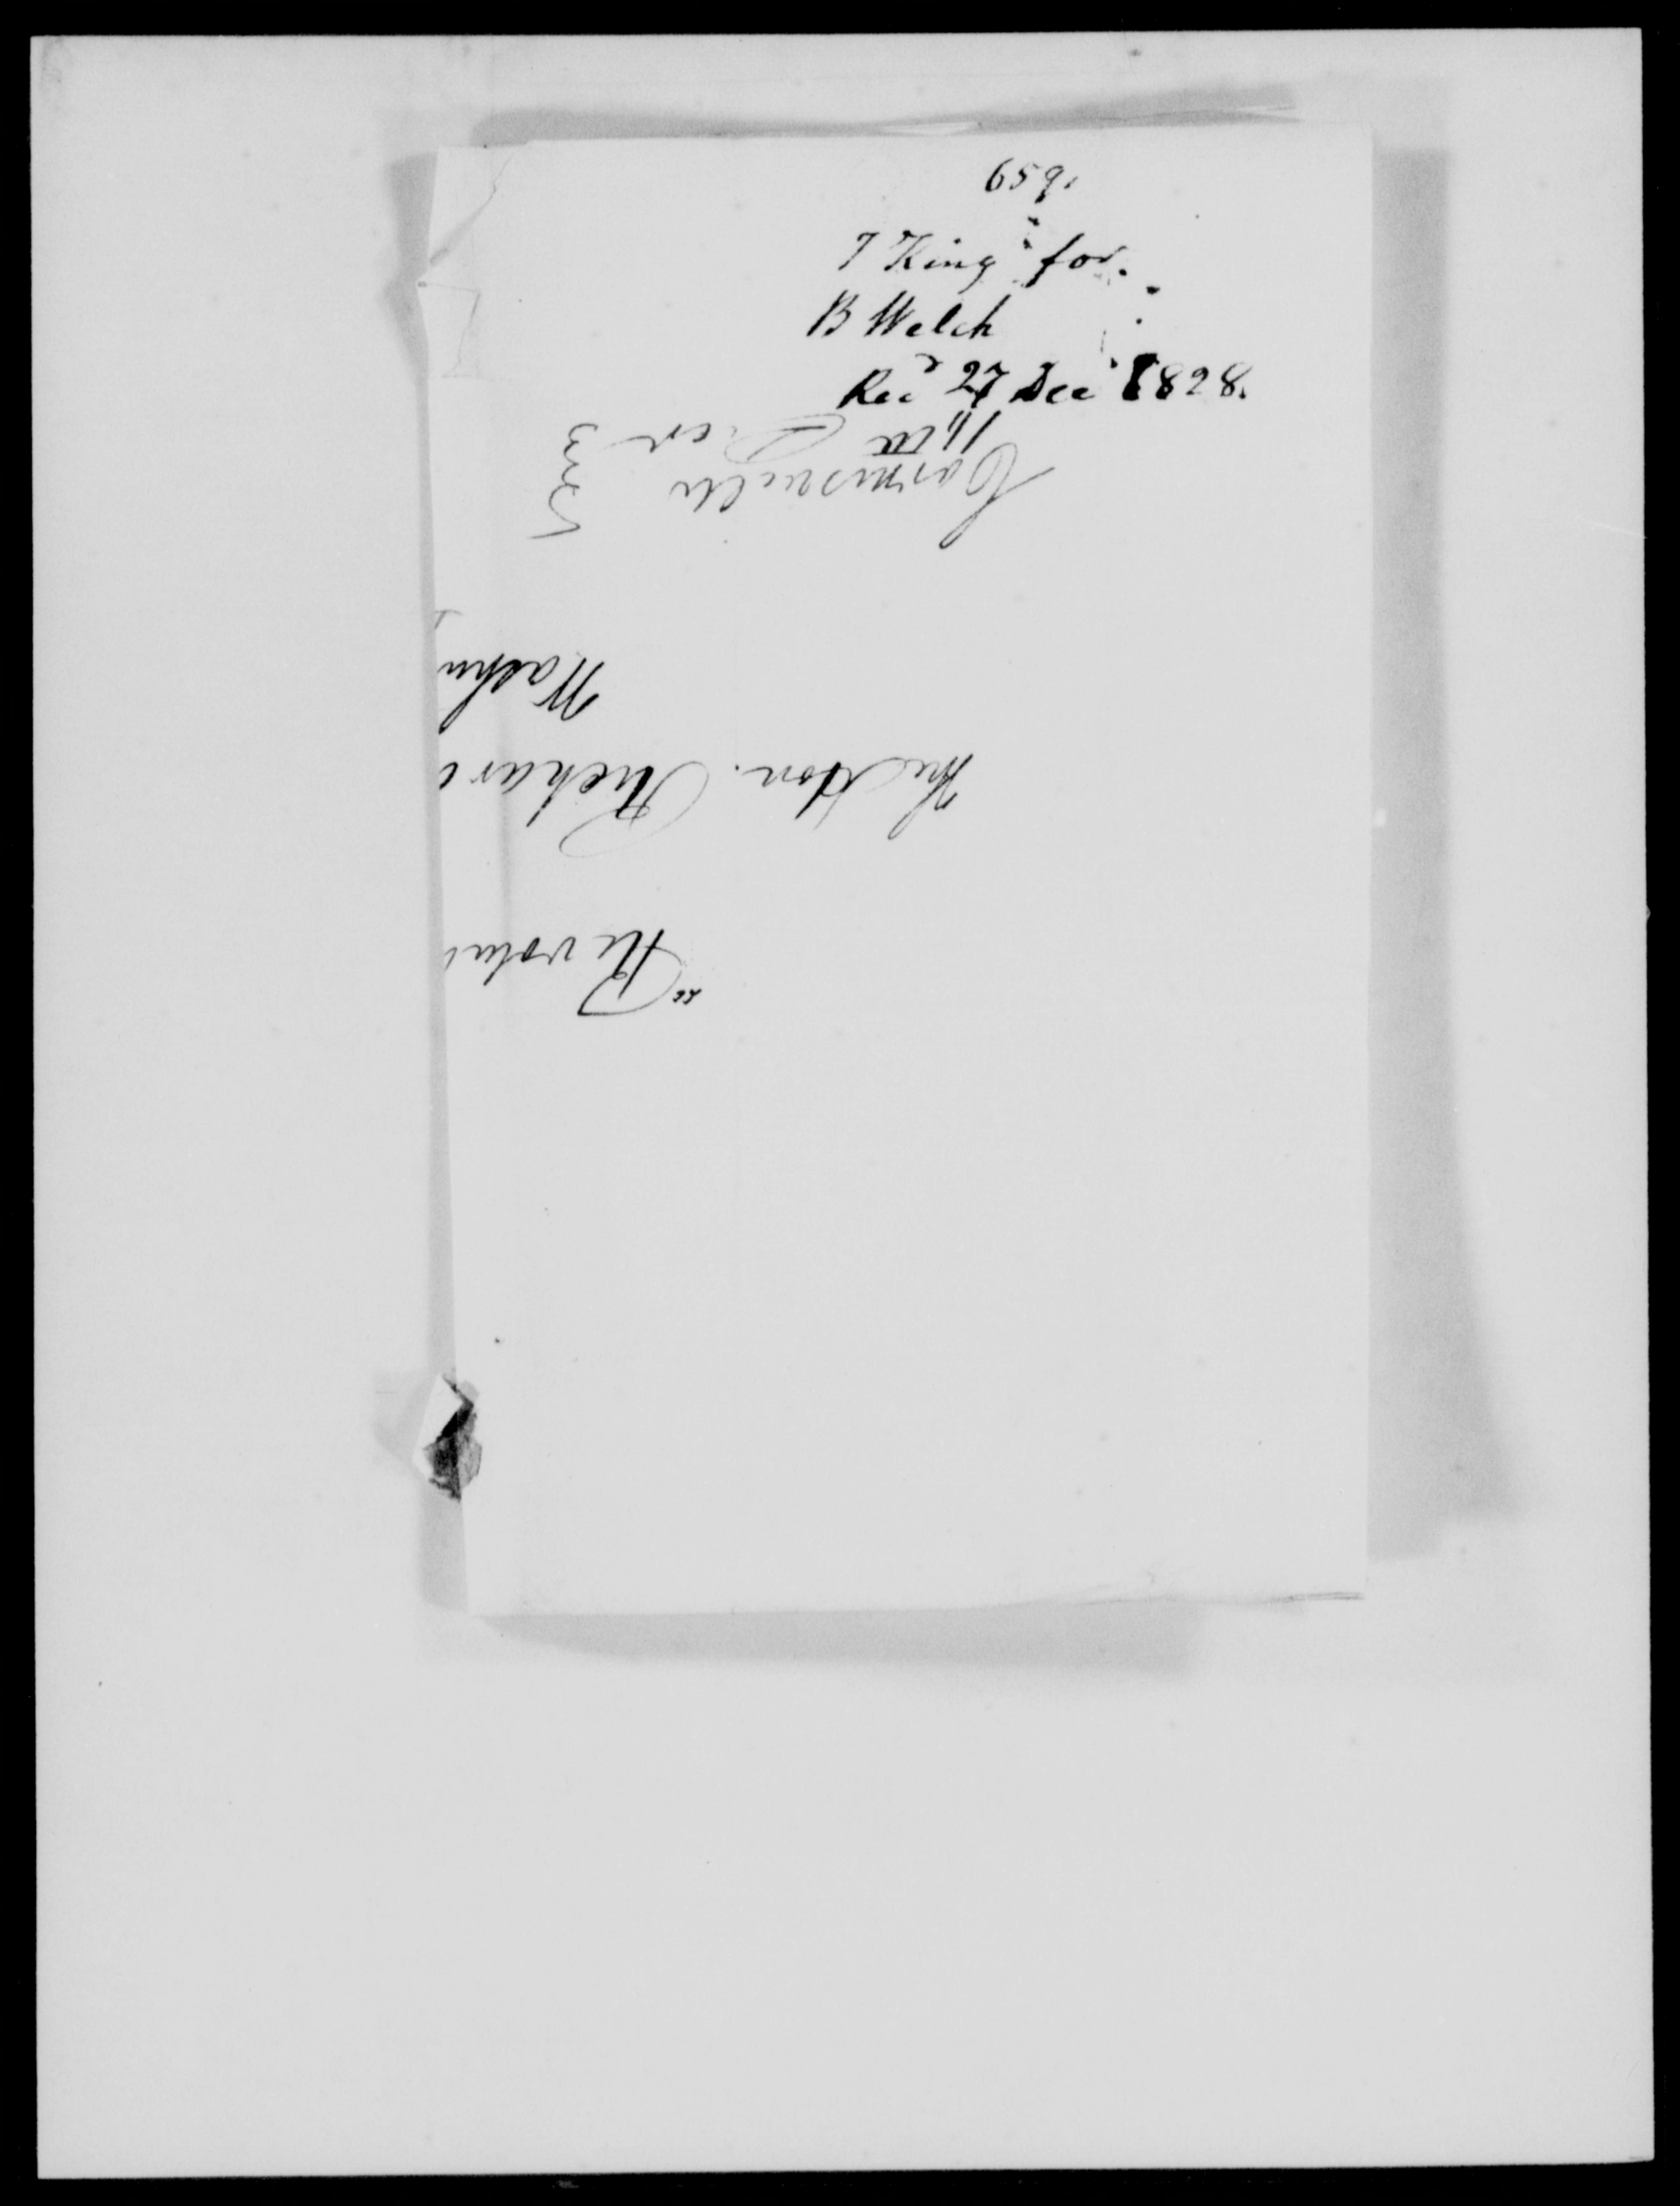659.
T King for
B Welch
Rec'd 27 Dec 1828.

[Complete text from previous image]
"Revolutionary Claim" Free
The Hon. Richard Rush Esqr.
Washington City
D. C
Carnesville
16th Decr.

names: Richard, T King, B Welch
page: 21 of 23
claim: rejected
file: R. 20,446, Benjamin Welch, Ga.